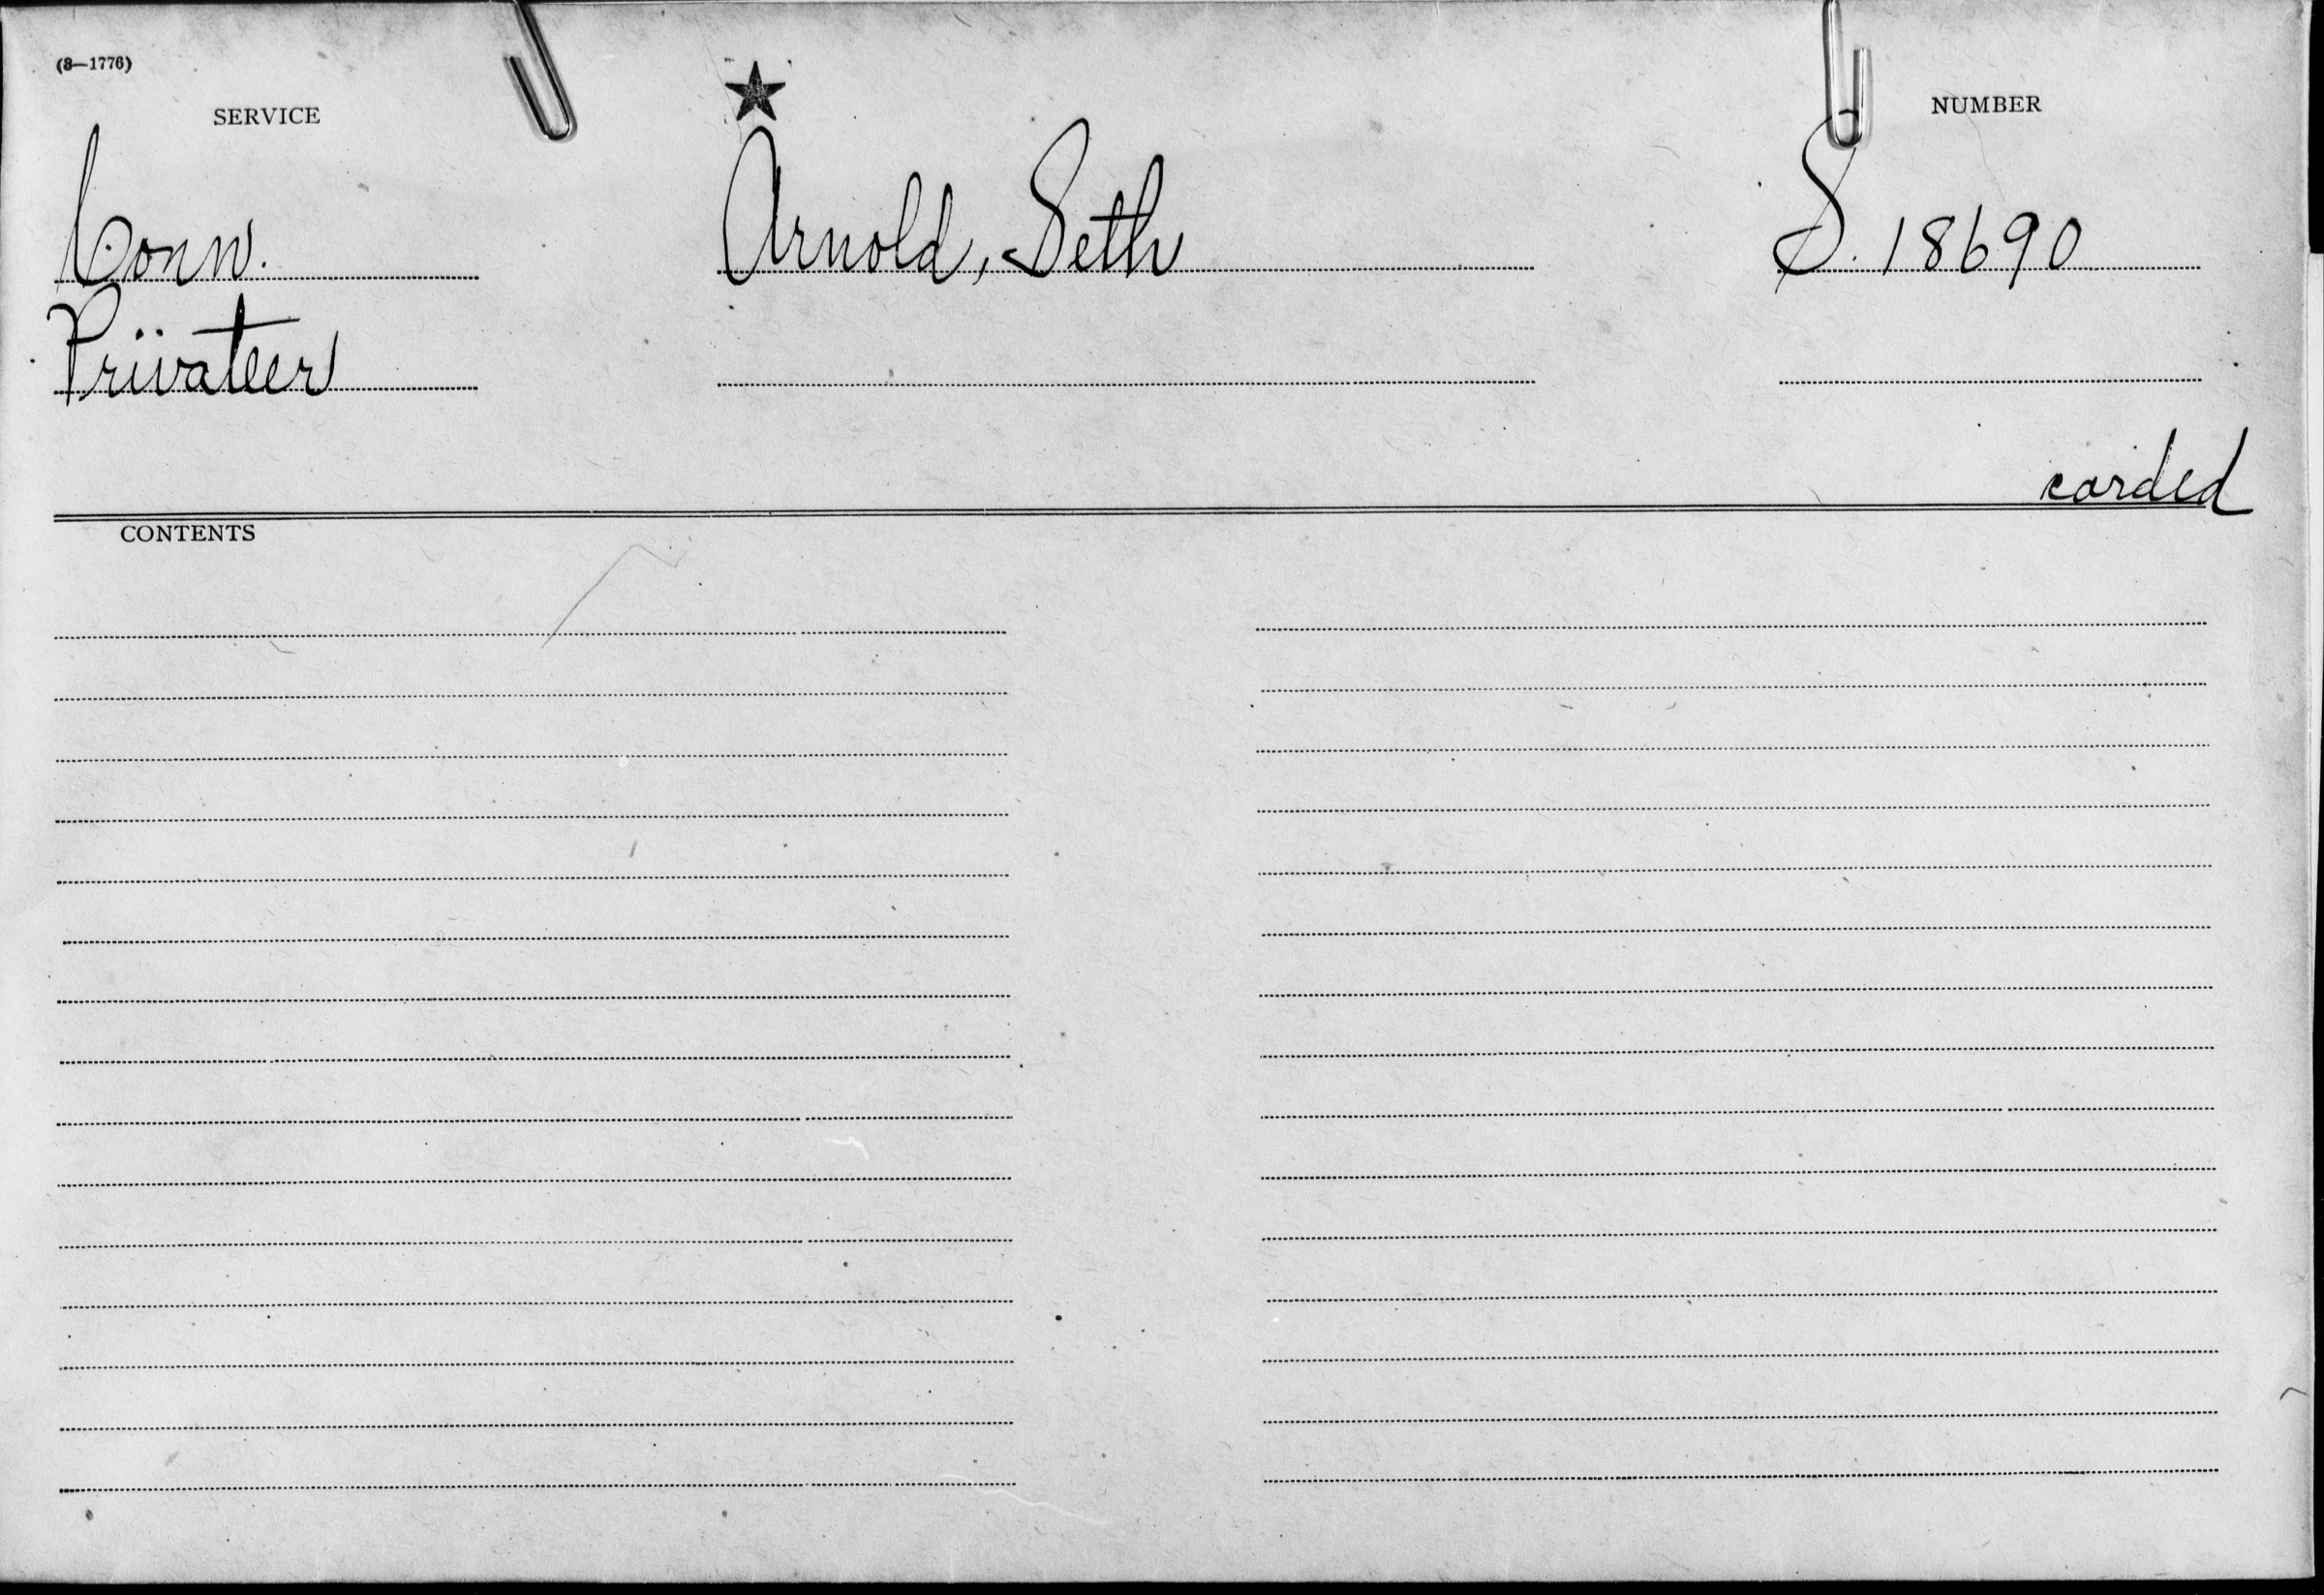Service
Conn. 
Privateer

Arnold, Seth

Number S18690

Carded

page: 1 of 9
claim: survivor's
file: S. 18690, Seth Arnold, Conn. Privateer